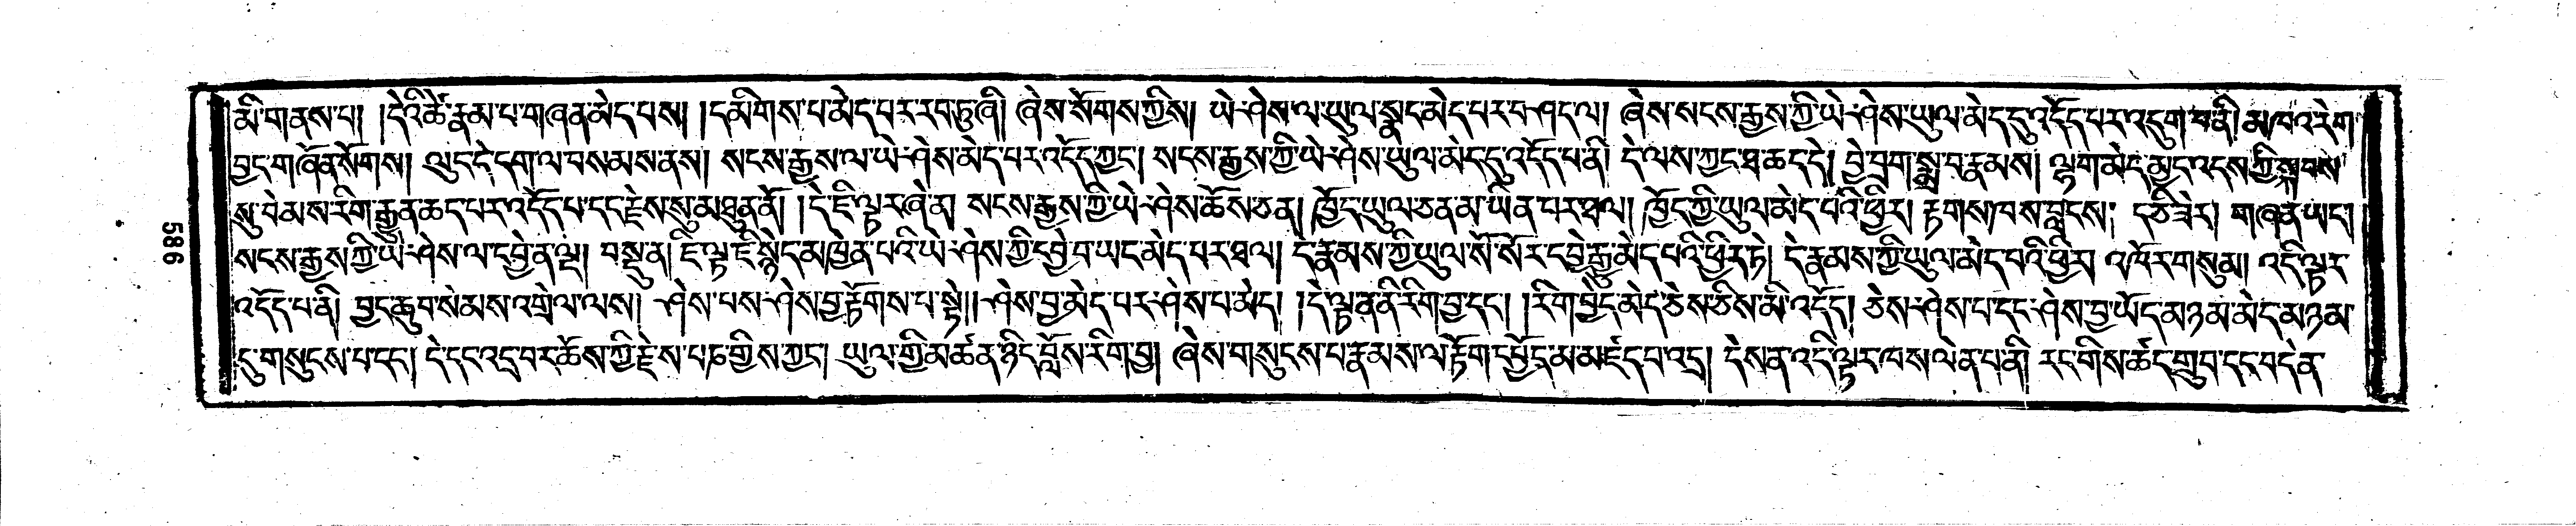མི་གནས་པ། །དེའི་ཚེ་རྣམ་པ་གཞན་མེད་པས། །དམིགས་པ་མེད་པར་རབ་ཏུ་ཞི། ཞེས་སོགས་ཀྱིས། ཡེ་ཤེས་ལ་ཡུལ་སྣང་མེད་པར་བཤད་ལ། ཞེས་སངས་རྒྱས་ཀྱི་ཡེ་ཤེས་ཡུལ་མེད་དུ་འདོད་པར་འདུག་པ་ནི། མཁའ་རེག་
བྱད་གཞོན་སོགས། ལུང་དེ་དག་ལ་བསམས་ནས། སངས་རྒྱས་ལ་ཡེ་ཤེས་མེད་པར་འདོད་ཀྱང་། སངས་རྒྱས་ཀྱི་ཡེ་ཤེས་ཡུལ་མེད་དུ་འདོད་པ་ནི། དེ་ལས་ཀྱང་ཐ་ཆད་དེ། བྱེ་བྲག་སྨྲ་བ་རྣམས། ལྷག་མེད་མྱང་འདས་ཀྱི་སྐབས་
སུ་བེམས་རིག་རྒྱུན་ཆད་པར་འདོད་པ་དང་རྗེས་སུ་མཐུན་ནོ། །དེ་ཇི་ལྟར་ཞེ་ན། སངས་རྒྱས་ཀྱི་ཡེ་ཤེས་ཆོས་ཅན། ཁྱོད་ཡུལ་ཅན་མ་ཡིན་པར་ཐལ། ཁྱོད་ཀྱི་ཡུལ་མེད་པའི་ཕྱིར། རྟགས་ཁས་བླངས། ད་ཅི་ཟེར། གཞན་ཡང་།
སངས་རྒྱས་ཀྱི་ཡེ་ཤེས་ལ་དབྱེ་ན་ལྔ། བསྡུ་ན། ཇི་ལྟ་ཇི་སྙེད་མཁྱེན་པའི་ཡེ་ཤེས་ཀྱི་དབྱེ་བ་ཡང་མེད་པར་ཐལ། དེ་རྣམས་ཀྱི་ཡུལ་སོ་སོར་དབྱེ་རྒྱུ་མེད་པའི་ཕྱིར་ཏེ། དེ་རྣམས་ཀྱི་ཡུལ་མེད་པའི་ཕྱིར། འཁོར་གསུམ། འདི་ལྟར་
འདོད་པ་ནི། བྱང་ཆུབ་སེམས་འགྲེལ་ལས། ཤེས་པས་ཤེས་བྱ་རྟོགས་པ་སྟེ། །ཤེས་བྱ་མེད་པར་ཤེས་པ་མེད། །དེ་ལྟ་ན་ནི་རིག་བྱ་དང་། །རིག་བྱེད་མེད་ཅེས་ཅིས་མི་འདོད། ཅེས་ཤེས་པ་དང་ཤེས་བྱ་ཡོད་མཉམ་མེད་མཉམ་
དུ་གསུངས་པ་དང་། དེ་དང་འདྲ་བར་ཆོས་ཀྱི་རྗེ་ས་པཎ་གྱིས་ཀྱང་། ཡུལ་གྱི་མཚན་ཉིད་བློས་རིག་བྱ། ཞེས་གསུངས་པ་རྣམས་ལ་རྟོག་དཔྱོད་མ་མཛད་པ་འདྲ། དེས་ན་འདི་ལྟར་ཁས་ལེན་པ་ནི། རང་གིས་ཚད་གྲུབ་དང་བདེན་